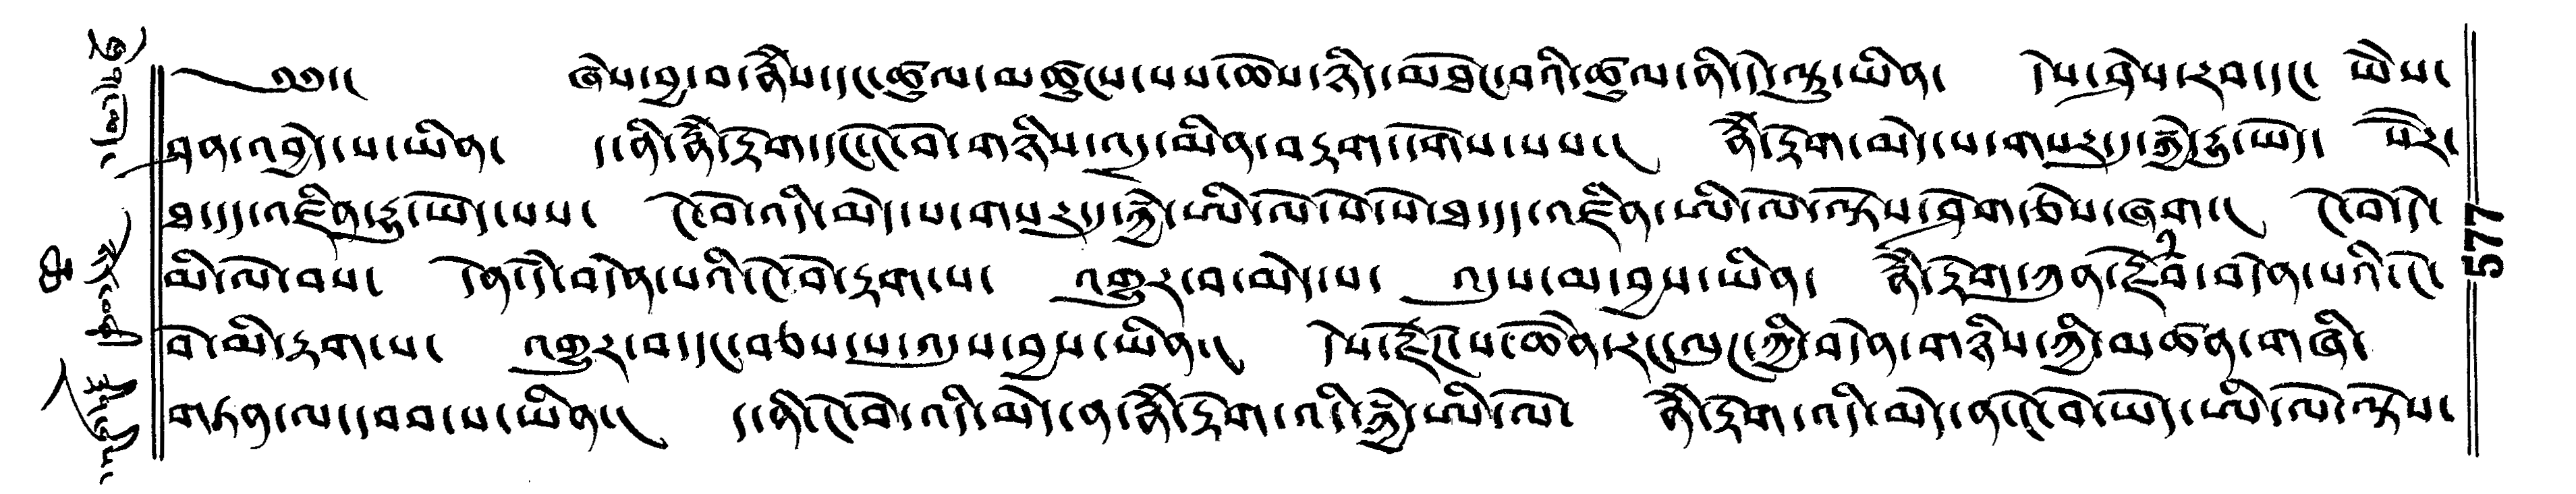ཞེས་བྱ་བ་རྣམས་དང་ཚུལ་མཚུངས་པས་ཆོས་ཉིད་མཐོང་བའི་ཚུལ་ནི་དེ་ལྟ་བུ་ཡིན། དེས་ཤེས་རབ་དང་། ཡེ་ཤེས་
ཤན་འབྱེད་པ་ཡིན། ད་ནི་རྣམ་རྟོག་དང་ངོ་བོ་གཉིས་འདྲ་མིན་བརྟག་དགོས་པས། རྣམ་རྟོག་མེད་པ་གསར་དུ་སྐྱེ་རྒྱུ་ཡོད། སོ་སོར་
ཐ་དད་འཛིན་རྒྱུ་ཡོད་པས། ངོ་བོ་འདི་མེད་པ་གསར་དུ་སྐྱེ་ཨི་ལོ་སོ་སོ་ཐ་དད་འཛིན་ཨི་ལོ་ལྟོས་ཤོག་ཅེས་ཞག ངོ་བོ་དེ་
མི་ལོ་བས། དོན་དམ་བདེན་པའི་ངོ་བོ་རྟག་པ། འགྱུར་བ་མེད་པ་འདུས་མ་བྱས་ཡིན། རྣམ་རྟོག་ཀུན་རྫོབ་བདེན་པའི་ངོ་
བོ་མི་རྟག་པ། འགྱུར་བ་དང་བཅས་པ་འདུས་བྱས་ཡིན། དེས་རྫོགས་པ་ཆེན་པོ་རང་ལུགས་ཀྱི་བདེན་གཉིས་ཀྱི་མཚན་གཞི་
གཏན་ལ་དབབ་པ་ཡིན།ད་ནི་ངོ་བོ་འདི་མེད་ན་རྣམ་རྟོག་འདི་སྐྱེ་ཨི་ལོ། རྣམ་རྟོག་འདི་མེད་ན་ངོ་བོ་ཡོད་ཨི་ལོ་ལྟོས་